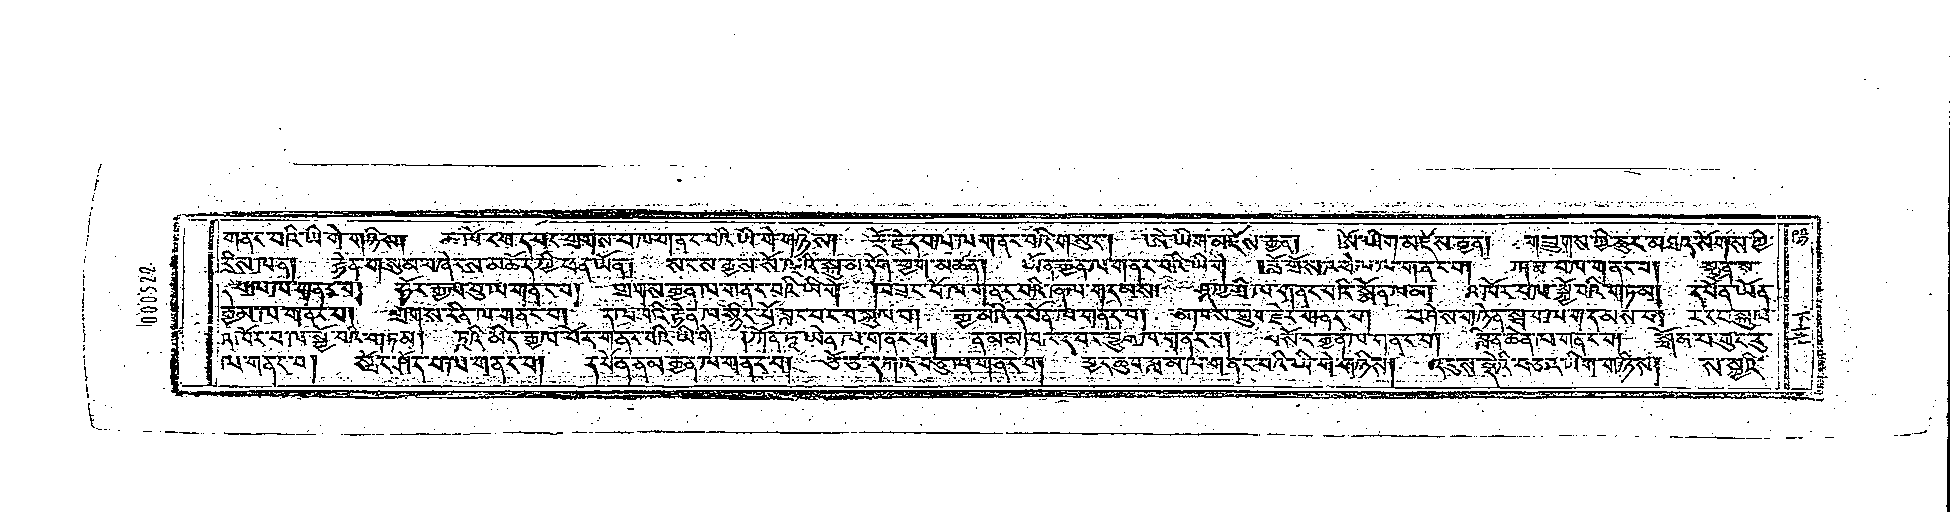གནང་བའི་ཡི་གེ་གཉིས། ཆ་ལོ་ངག་དབང་གྲགས་པ་ལ་གནང་བའི་ཡི་གེ་གཉིས། རྡོ་རྗེ་དཔལ་ལ་གནང་བའི་གསུང་། ཨེ་ཡིག་མཛེས་རྒྱན། ཨོ་ཡིག་མཛེས་རྒྱན། གཟུགས་ཀྱི་ཆུང་མཐའ་སོགས་ཀྱི་
དྲིས་ལན། རྟེན་གསུམ་བཞེངས་མཆོད་ཀྱི་ཕན་ཡོན། སངས་རྒྱས་སོ་ལྔའི་སྐུ་མདོག་ཕྱག་མཚན། ཡོན་རྒྱན་ལ་གནང་བའི་ཡི་གེ །བློ་གྲོས་འཕེལ་ལ་གནང་པ། ཀརྨ་པ་ལ་གནང་བ། སྤྱན་ས་
དཔལ་ལ་གནང་བ། ཧོར་རྒྱལ་བུ་ལ་གནང་བ། གྲགས་རྒྱན་ལ་གནང་བའི་ཡི་གེ །བཟང་པོ་ལ་གནང་བའི་ཞལ་གདམས། ཤཱཀྱ་ཤྲི་ལ་གནང་བའི་སྨོན་ལམ། འཁོར་བ་ལ་སྐྱོ་བའི་གཏམ། དཔོན་ཡོན་
རྒྱམ་ལ་གནང་བ། གྲགས་རིན་ལ་གནང་བ། དལ་བའི་རྟེན་ལ་སྙིང་པོ་བླང་བར་བ་སྐུལ་བ། རྒྱ་མའི་དཔོན་ལ་གནད་བ། མཁས་གྲུབ་རྗེར་གནད་བ། བཤེས་གཉེན་སྤ་བ་ལ་གདམས་པ། རང་བསྐུལ་
འཁོང་བ་ལ་སྐྱོ་བའི་གཏམ། ཏཱའི་མིང་རྒྱལ་པོར་གནང་བའི་ཡི་གེ །ཀོན་ཏཱ་ཡེན་ལ་གནང་བ། ནམ་མཁའ་དབང་ཕྱུག་ལ་གནང་བ། བསོད་རྒྱན་ལ་གནང་བ། བློན་ཆེན་ལ་གནང་བ། སྒོམ་པ་གུང་རུ་
ལ་གནང་བ། སྤོང་ཤོད་པ་ལ་གནང་བ། དཔོན་ནམ་རྒྱན་ལ་གནང་བ། ཅོ་ཙ་དཀའ་བཅུ་ལ་གནང་བ། བྱང་ཆུབ་བླ་མ་ལ་གནང་བའི་ཡི་གེ་གཉིས། འདུས་སྡེའི་བཅའ་ཡིག་གཉིས། ས་སྐྱའི་